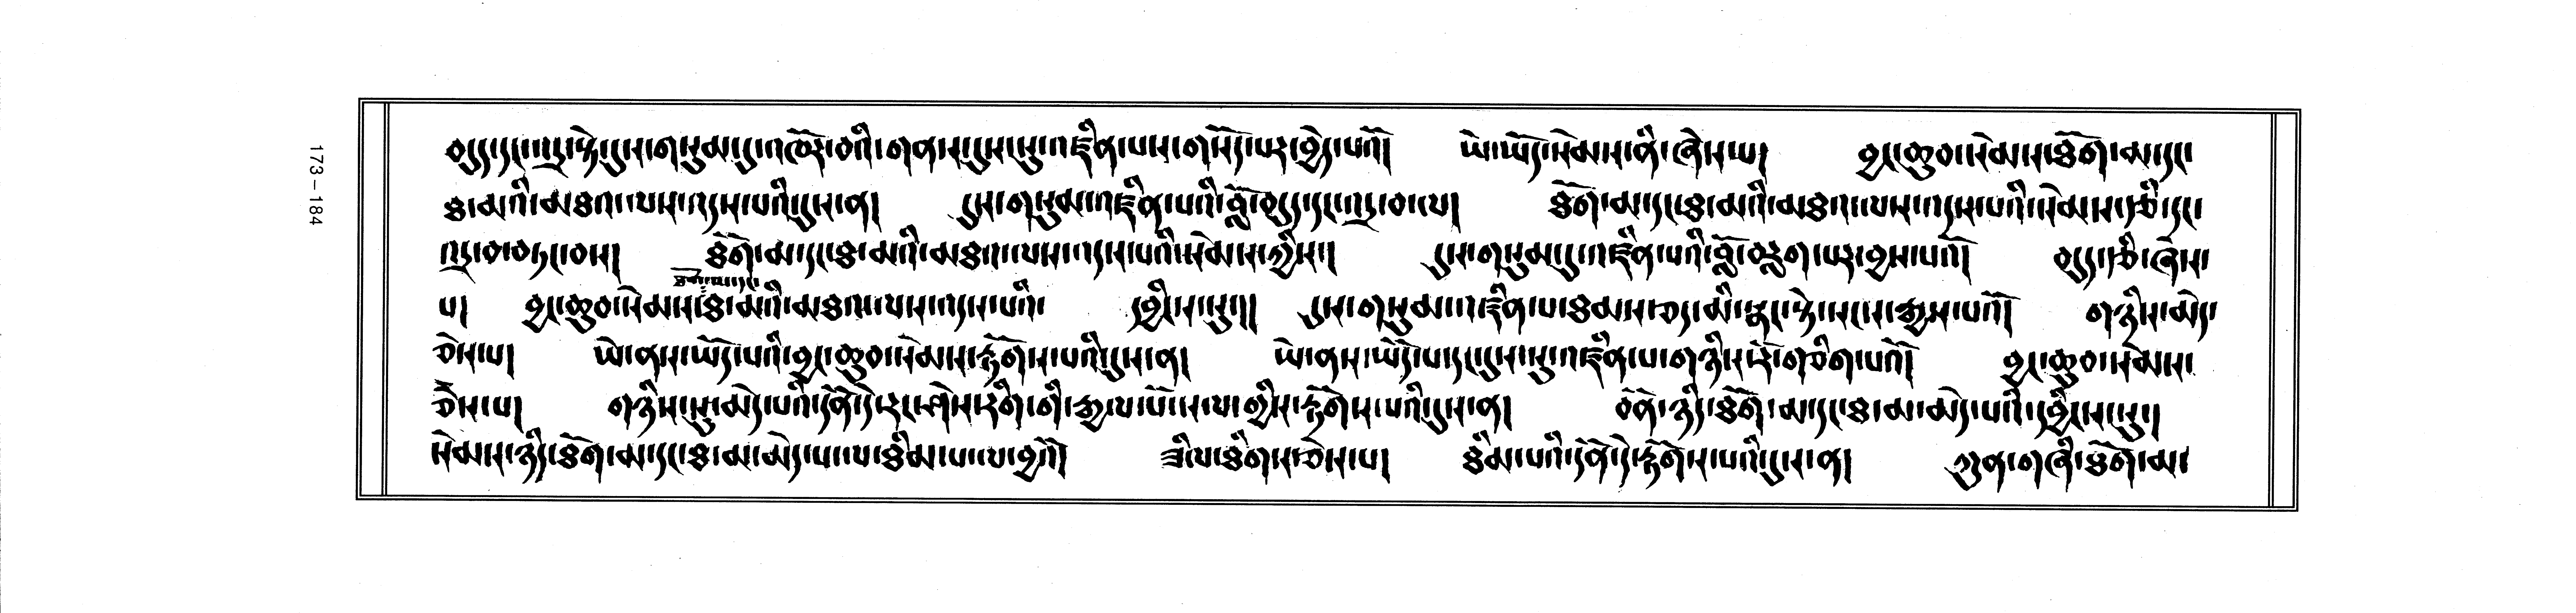བདུད་དང་འདྲ་སྟེ། དུས་གསུམ་དུ་འཁོར་བའི་གནས་སུ་འཛིན་པས་གསོད་པར་བྱེད་པའོ། །ཡེ་ཡོད་སེམས་ནི་ཞེས་པ། བྱང་ཆུབ་ཀྱི་སེམས་ཐོག་མ་དང་
ཐ་མའི་མཐའ་ལས་འདས་པའི་དུས་ན། དུས་གསུམ་འཛིན་པའི་བློ་བདུད་དང་འདྲ་བ་ལ། ཐོག་མ་དང་ཐ་མའི་མཐའ་ལས་འདས་པའི་སེམས་རྩི་དང་
འདྲ་བ་བཏང་བས། ཐོག་མ་དང་ཐ་མའི་མཐའ་ལས་འདས་པའི་སེམས་ཀྱིས། དུས་གསུམ་དུ་འཛིན་པའི་བློ་བརླག་པར་བྱས་པའོ། །བདུད་རྩི་ཞེས་
པ་བྱང་ཆུབ་སེམས་ཐོག་མ་དང་ཐ་མའི་མཐའ་ལས་འདས་པའི་དབྱིངས་སུ། དུས་གསུམ་འཛིན་པ་ཐམས་ཅད་མི་སྣང་སྟེ་སངས་རྒྱས་པའོ། །གཉིས་མེད་
ཅེས་པ། ཡེ་ནས་ཡོད་པའི་བྱང་ཆུབ་སེམས་རྟོགས་པའི་དུས་ན། ཡེ་ནས་ཡོད་པ་དང་དུས་སུ་འཛིན་པ་གཉིས་རོ་གཅིག་པའོ། །བྱང་ཆུབ་སེམས་
ཅེས་པ། གཉིས་སུ་མེད་པའི་དོན་དེ་རང་ཤེས་རིག་གི་རྒྱལ་པོས་སལ་གྱིས་རྟོགས་པའི་དུས་ན། བོན་ཉིད་ཐོག་མ་དང་ཐ་མ་མེད་པའི་དབྱིངས་སུ། 
སེམས་ཉིད་ཐོག་མ་དང་ཐ་མེད་པ་ལ་ཐིམ་པ་ལ་བྱའོ། །ཟིལ་ཐིགས་ཅེས་པ། ཐིམ་པའི་དོན་དེ་རྟོགས་པའི་དུས་ན། ཀུན་གཞི་ཐོག་མ་